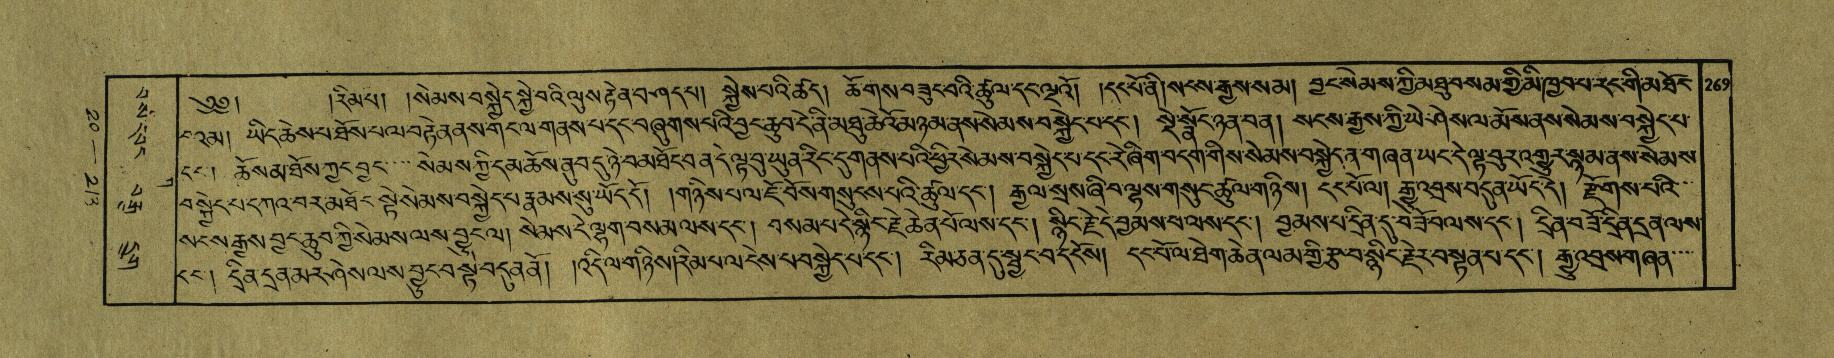༄༅། །རིམ་པ། །སེམས་བསྐྱེད་སྐྱེ་བའི་ལུས་རྟེན་བཤད་པ། སྐྱེས་པའི་ཚད། ཆོ་གས་བཟུང་བའི་ཚུལ་དང་ལྔའོ། །དང་པོ་ནི། སངས་རྒྱས་སམ། བྱང་སེམས་ཀྱི་མཐུ་བསམ་གྱི་མི་ཁྱབ་པ་རང་གི་མཐོང་
བའམ། ཡིད་ཆེས་པ་ཐོས་པ་ལ་བརྟེན་ནས་གང་ལ་གནས་པ་དང་བཞུགས་པའི་བྱང་ཆུབ་དེ་ནི་མཐུ་ཆེའོ་མཉམ་ནས་སེམས་བསྐྱེད་པ་དང་། སྡེ་སྣོང་ཉན་བ་ན། སངས་རྒྱས་ཀྱི་ཡེ་ཤེས་ལ་མོས་ནས་སེམས་བསྐྱེད་པ་
དང་། ཆོས་མ་ཐོས་ཀྱང་བྱང་སེམས་ཀྱི་དམ་ཆོས་ནུབ་དུ་ཉེ་བ་མཐོང་བ་ན་དེ་ལྟ་བུ་ཡུན་རིང་དུ་གནས་པའི་ཕྱིར་སེམས་བསྐྱེད་པ་དང་རེ་ཞིག་བདག་གིས་སེམས་བསྐྱེད་ན་གཞན་ཡང་དེ་ལྟ་བུར་འགྱུར་སྙམ་ནས་སེམས་
བསྐྱེད་པ་དཀའ་བར་མཐོང་སྟེ་སེམས་བསྐྱེད་པ་རྣམས་སུ་ཡོད་དོ། །གཉིས་པ་ལ་ཇོ་བོས་གསུངས་པའི་ཚུལ་དང་། རྒྱལ་སྲས་ཞི་བ་ལྟས་གསུང་ཚུལ་གཉིས། དང་པོ་ལ། རྒྱུ་འབྲས་བདུན་ཡོད་དེ། རྫོགས་པའི་
སངས་རྒྱས་བྱང་ཆུབ་ཀྱི་སེམས་ལས་བྱུང་ལ། སེམས་དེ་ལྷག་བསམ་ལས་དང་། བསམ་པ་དེ་སྙིང་རྗེ་ཆེན་པོ་ལས་དང་། སྙིང་རྗེ་དེ་བྱམས་པ་ལས་དང་། བྱམས་པ་དྲིན་དུ་བཟོ་བ་ལས་དང་། དྲིན་བཟོ་དྲིན་དྲན་ལས་
དང་། དྲིན་དྲན་མར་ཤེས་ལས་བྱུང་བ་སྟེ་བདུན་ནོ། །འདི་ལ་གཉིས། རིམ་པ་ལ་ངེས་པ་བསྐྱེད་པ་དང་། རིམ་ཅན་དུ་སྦྱང་བ་དངོས། དང་པོ་ལ་ཐེག་ཆེན་ལམ་གྱི་རྩ་བ་སྙིང་རྗེར་བསྟན་པ་དང་། རྒྱུ་འབྲས་གཞན་